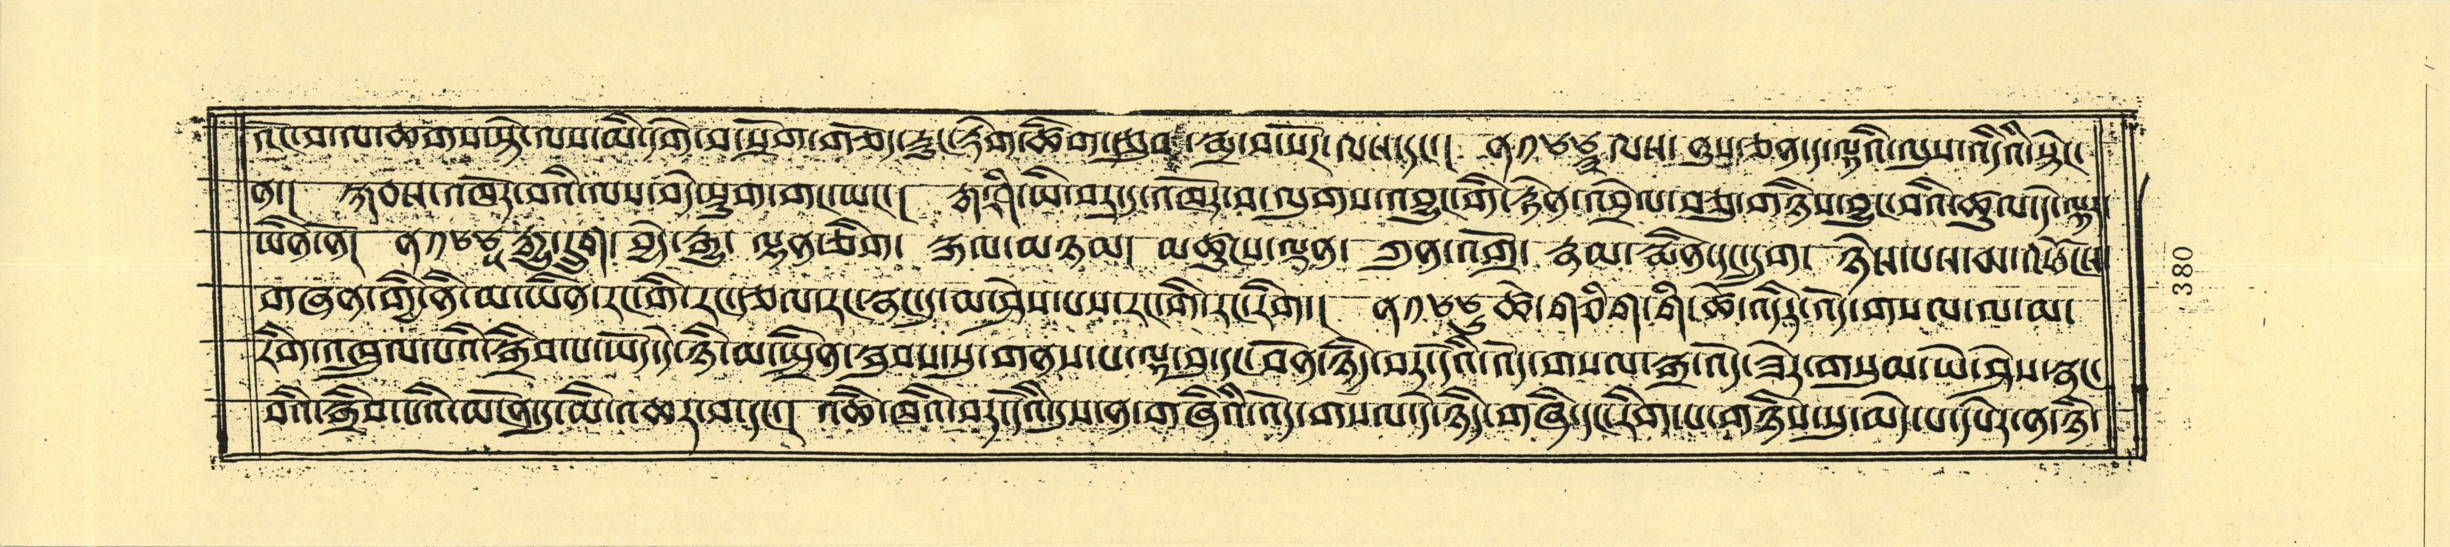འོང་བ་ལ་ཆགས་སྟེ་ལས་མིད་གེ་བ་སྲོག་གཅོད་རྡུང་རྡེག་ཚིག་རྩུབ་སྨྲ་བ་སོགས་ལས་དང། ན༡༦༦།༣ ལས་ནུས་ཅན་ད་ལྟའི་ལུས་འདིའི་སྟེང་
ན། སྐབས་འཁོར་བའི་ལས་བདེ་སྡུག་གང་ཡང། རྒ་ཤི་ཡི་བར་དུ་འཁོར་བ་ལུགས་འབྱུང་གི་རྟེན་འབྲེལ་བཅུ་གཉིས་བྱུང་བའི་ཚུལ་དེ་ལྟར་
ཡིན་ནོ། ན༡༦༦།༥ རྒྱུ་དྲུག་ བྱེད་རྒྱུ། ལྷན་ཅིག སྐལ་མཉམ། མཚུངས་ལྡན། ཀུན་འགྲོ། རྣམ་སྨིན་དང་དྲུག ཉེས་པས་མ་འཕོངས་
གཞན་གྱི་ནི་མ་ཡིན་རང་གི་རང་རྩལ་རང་སྣང་དུ་མ་ཤེས་པས་རང་གི་རང་རིག ན༡༦༦།༦ ཚེ་གཅིག་གི་ཚེ་འདིར་འོད་གསལ་ལ་མ་
རིག་འཁྲུལ་པའི་སྒྲིབ་པ་ཡོད་དེ་ཉི་མ་སྤྲིན་སྦུབས་སུ་གནས་པ་ལྟ་བུ་དང་བོན་ཉིད་བར་དོའི་འོད་གསལ་སྒྲ་འོད་ཟེར་གསུམ་ཡེ་ཤེས་སྣང་
བའི་སྒྲིབ་པའི་མངོན་དུ་མི་འཆར་བ་དང། འཆི་ཁའི་བར་དོའི་དུས་ན་གཞིའི་འོད་གསལ་དེ་ཉིད་གཞི་དང་རིག་པ་གཉིས་སུ་མེད་པ་དཔེར་ན་ཉི་